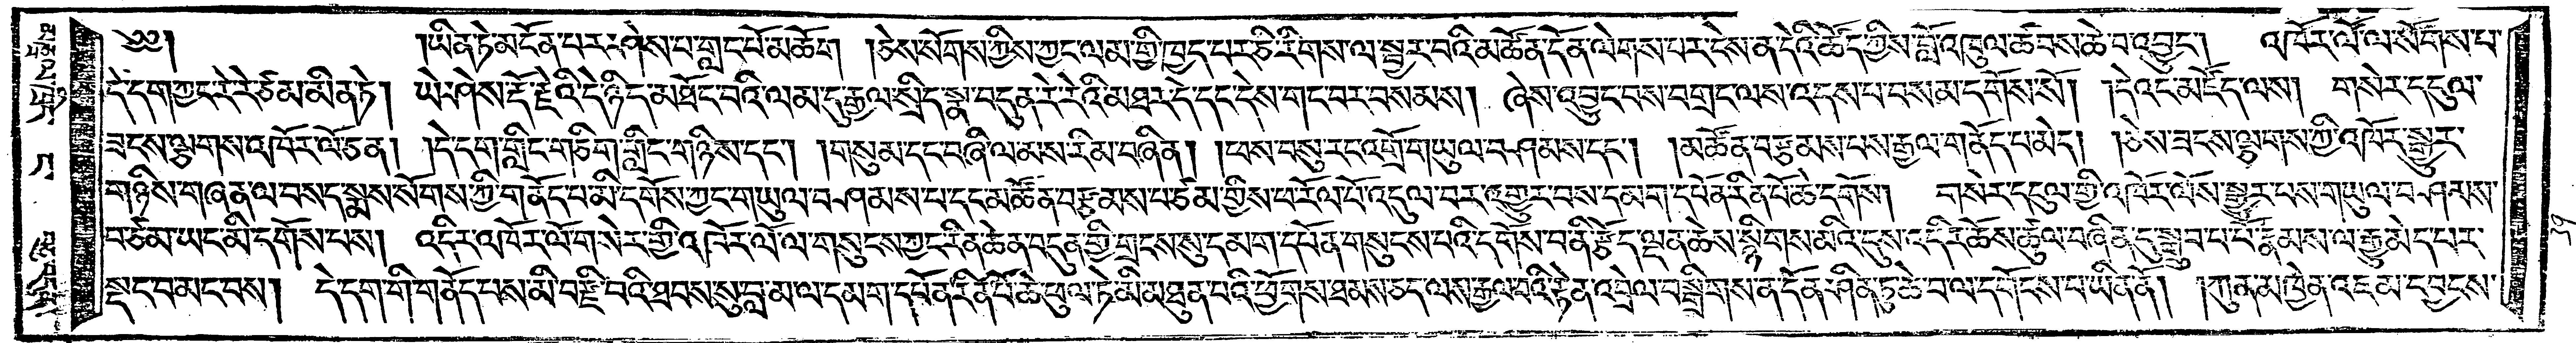༄༅། །ཡིན་ཏེ་མངོན་པར་ཤེས་པ་གླང་པོ་མཆོག །ཅེས་སོགས་ཀྱིས་ཀྱང་ལམ་གྱི་ཁྱད་བར་ཅི་རིགས་ལ་སྦྱར་བའི་མཚོན་དོན་ལེགས་བར་ངེས་ན་དེའི་ཚོད་ཀྱིས་བློ་འཁུལ་ཚབས་ཆེ་བ་འབྱུང་། འཁོར་ལོ་ལ་སོགས་པ་
དེ་དག་ཀྱང་རེ་རེ་ཙམ་མིན་ཏེ། ཡེ་ཤེས་རྡོ་རྗེའི་དེ་ཉིད་མཐོང་བའི་ལམ་དུ་རྒྱལ་སྲིད་སྣ་བདུན་རེ་རེའི་མཐར་དེ་དང་དེས་གང་བར་བསམས། ཞེས་འབྱུང་བས་བགྲང་ལས་འདས་པ་བསམ་དགོས་སོ། །དེའང་མཛོད་ལས། གསེར་དངུལ་
ཟངས་ལྕགས་འཁོར་ལོ་ཅན། །དེ་དག་གླིང་གཅིག་གླིང་གཉིས་དང་། །གསུམ་དང་བཞི་ལ་མས་རིམ་བཞིན། །ཕས་བསུ་རང་འགྲོ་གཡུལ་བཤམས་དང་། །མཚོན་བརྩམས་པས་རྒྱལ་གནོད་པ་མེད། །ཅེས་ཟངས་ལྕགས་ཀྱི་འཁོར་སྒྱུར་
གཉིས་གཞན་ལ་བསད་སྨས་སོགས་ཀྱི་གནོད་བ་མི་དགོས་ཀྱང་གཡུལ་བཤམས་པ་དང་མཚོན་བརྩམས་པ་ཙམ་གྱིས་ཕ་རོལ་པོ་འདུལ་བར་འགྱུར་བས་དམག་དཔོན་རིན་པོ་ཆེ་དགོས། གསེར་དངུལ་གྱི་འཁོར་ལོས་སྒྱུར་པས་གཡུལ་བཤམས་
པ་ཙམ་ཡང་མི་དགོས་པས། འདིར་འཁོར་ལོ་གསེར་གྱི་འཁོར་ལོ་ལ་གསུངས་ཀྱང་རིན་ཆེན་བདུན་གྱི་གྲངས་སུ་དམག་དཔོན་གསུངས་པའི་དགོས་པ་ནི་རྩོད་ལྡན་ཆེས་སྙིགས་མའི་དུས་འདིར་ཆོས་ཚུལ་བཞིན་དུ་སྒྲུབ་པ་པོ་རྣམས་ལ་རྒྱུ་མེད་པར་
སྡང་བ་མང་བས། དེ་དག་གི་གནོད་བས་མི་བརྫི་བའི་ཐབས་སུ་བླ་མ་ལ་དམག་དཔོན་རིན་པོ་ཆེ་ཕུལ་ཏེ་མི་མཐུན་པའི་ཕྱོགས་ཐམས་ཅད་ལས་རྒྱལ་བའི་རྟེན་འབྲེལ་བསྒྲིགས་ན་དོན་ཤིན་ཏུ་ཆེ་བ་ལ་དགོངས་པ་ཡིན་ནོ། །ཀུན་མཁྱེན་འཇམ་དབྱངས་